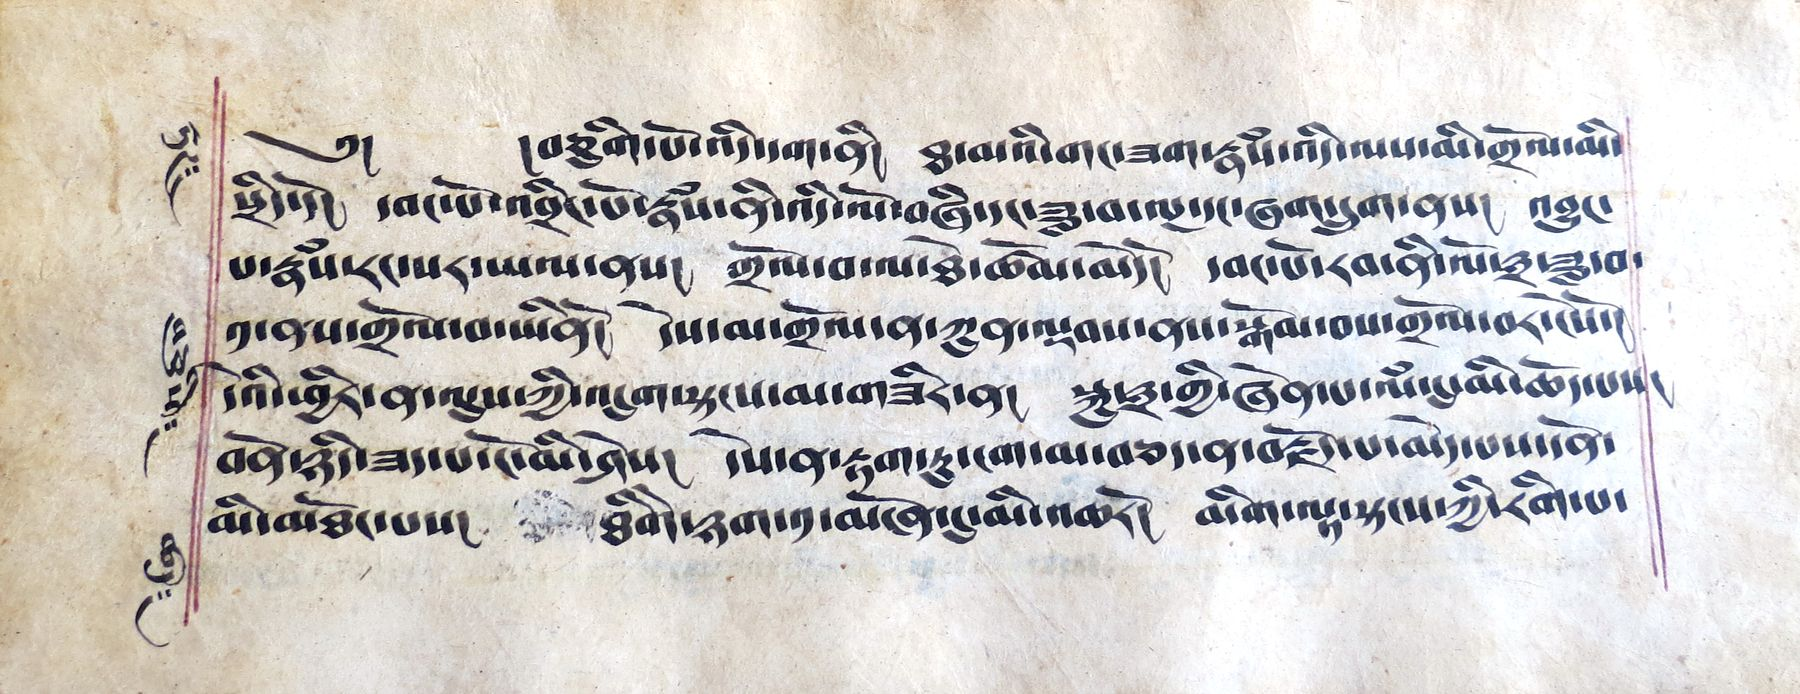བཅུ་གཅིག་པོ་འདི་དག་ནི། ཐ་མའི་གང་ཟག་རྣམས་ཀྱང་། འདི་ལས་མི་གྲོལ་མི་
སྲིད་དོ། །དབང་པོ་འབྲིང་རྣམས་ནི། ལོ་བཞི་དང་ཟླ་བ་ལྔ་དང་ཞག་དྲུག འབྱུང་
བ་རྣམས་རང་སར་ཡལ་ནས། གྲོལ་བ་ཐེ་ཚོམ་མེད་དོ། །དབང་པོ་རབ་ལོ་གསུམ་དང་ཟླ་བ་
གཅིག་ནས་གྲོལ་བ་ཡིན་ནོ། །དེས་མ་གྲོལ་ན། ཀུན་ལྡབ་ནས་སྒོམ་ན་གྲོལ་བར་འགྱུར་རོ། །
དེའི་ཕྱིར་ན་ལུས་ཀྱི་འདུག་སྟངས་མ་གཟིར་ན། སྐུ་གསུམ་གྱི་ཞེན་པ་ལམ་དུ་མི་ཆོད་པས། 
བོན་ཉིད་ཟད་པ་ངོ་མི་ཤེས། དེ་ནས་རྟག་ཏུ་ངག་མ་བཅད་ན། བརྗོད་པ་མེད་པའི་དོན་
མི་མཐོང་པས། ཐིག་ལེ་ཉག་གཅིག་མངོན་དུ་མི་འཆར་རོ། །མིག་གི་ལྟ་སྟངས་ཀྱིས་རིག་པ་